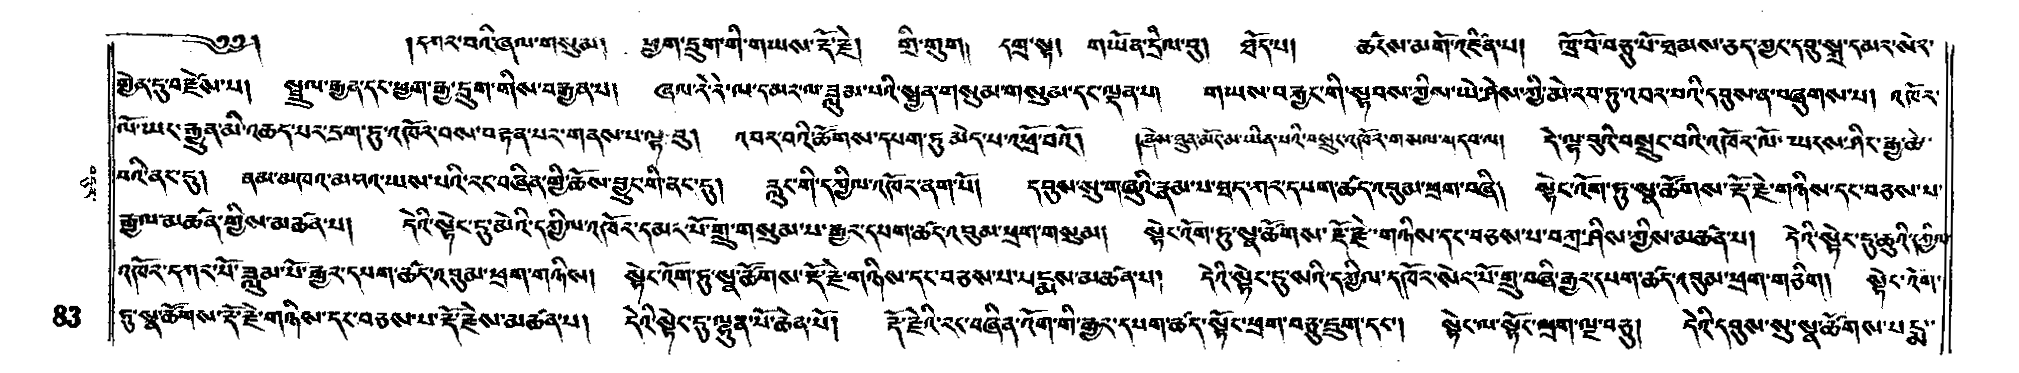༄༅། །དཀར་བའི་ཞལ་གསུམ། ཕྱག་དྲུག་གི་གཡས་རྡོ་རྗེ། གྲི་གུག། དགྲ་སྟ། གཡོན་དྲིལ་བུ། ཐོད་པ། ཚངས་མགོ་འཛིན་པ། ཁྲོ་བོ་བཅུ་པོ་ཐམས་ཅད་ཀྱང་དབུ་སྐྲ་དམར་སེར་
གྱེན་དུ་བརྫེས་པ། སྦྲུལ་རྒྱན་དང་ཕྱག་རྒྱ་དྲུག་གིས་བརྒྱན་པ། ཞལ་རེ་རེ་ལ་དམར་ལ་ཟླུམ་པའི་སྦྱན་གསུམ་གསུམ་དང་ལྡན་པ། གཡས་བརྐྱང་གི་སྟབས་ཀྱིས་ཡེ་ཤེས་ཀྱི་མེ་རབ་ཏུ་འབར་བའི་དབུས་ན་བཞུགས་པ། འཁོར་
ལོ་ཡང་རྒྱུན་མི་འཆད་པར་དྲག་ཏུ་འཁོར་བས་བརྟན་པར་གནས་པ་ལྟ་བུ། འབར་བའི་ཚོགས་དཔག་ཏུ་མེད་པ་འཕྲོ་བའོ། །ཞེས་ཐུན་མོང་མ་ཡིན་པའི་བསྲུང་འཁོར་གསལ་གདབ་ལ།  དེ་ལྟ་བུའི་བསྲུང་བའི་འཁོར་ལོ་ཡངས་ཤིང་རྒྱ་ཆེ་
བའི་ནང་དུ། ནམ་མཁའ་མཐའ་ཡས་པའི་རང་བཞིན་གྱི་ཆོས་བྱུང་གི་ནང་དུ། རླུང་གི་དཀྱིལ་འཁོར་ནག་པོ། དབུས་སུ་གཞུའི་རྣམ་པ་ཐད་ཀར་དཔག་ཚད་འབུམ་ཕྲག་བཞི། སྟེང་འོག་ཏུ་སྣ་ཚོགས་རྡོ་རྗེ་གཉིས་དང་བཅས་པ་
རྒྱལ་མཚན་གྱིས་མཚན་པ། དེའི་སྟེང་དུ་མེའི་དཀྱིལ་འཁོར་དམར་པོ་གྲུ་གསུམ་པ་རྒྱར་དཔག་ཚད་འབུམ་ཕྲག་གསུམ། སྟེང་འོག་ཏུ་སྣ་ཚོགས་རྡོ་རྗེ་གཉིས་དང་བཅས་པ་བཀྲ་ཤིས་ཀྱིས་མཚན་པ། དེའི་སྟེང་དུ་ཆུའི་དཀྱིལ་
འཁོར་དཀར་པོ་ཟླུམ་པོ་རྒྱར་དཔག་ཚད་འབུམ་ཕྲག་གཉིས། སྟེང་འོག་ཏུ་སྣ་ཚོགས་རྡོ་རྗེ་གཉིས་དང་བཅས་པ་པདམས་མཚན་པ། དེའི་སྟེང་དུ་སའི་དཀྱིལ་འཁོར་སེར་པོ་གྲུ་བཞི་རྒྱར་དཔག་ཚད་འབུམ་ཕྲག་གཅིག། སྟེང་འོག་
ཏུ་སྣ་ཚོགས་རྡོ་རྗེ་གཉིས་དང་བཅས་པ་རྡོ་རྗེས་མཚན་པ། དེའི་སྟེང་དུ་ལྷུན་པོ་ཆེན་པོ། རྡོ་རྗེའི་རང་བཞིན་འོག་གི་རྒྱར་དཔག་ཚད་སྟོང་ཕྲག་བཅུ་དྲུག་དང་། སྟེང་ལ་སྟོང་ཕྲག་ལྔ་བཅུ། དེའི་དབུས་སུ་སྣ་ཚོགས་པདམ་